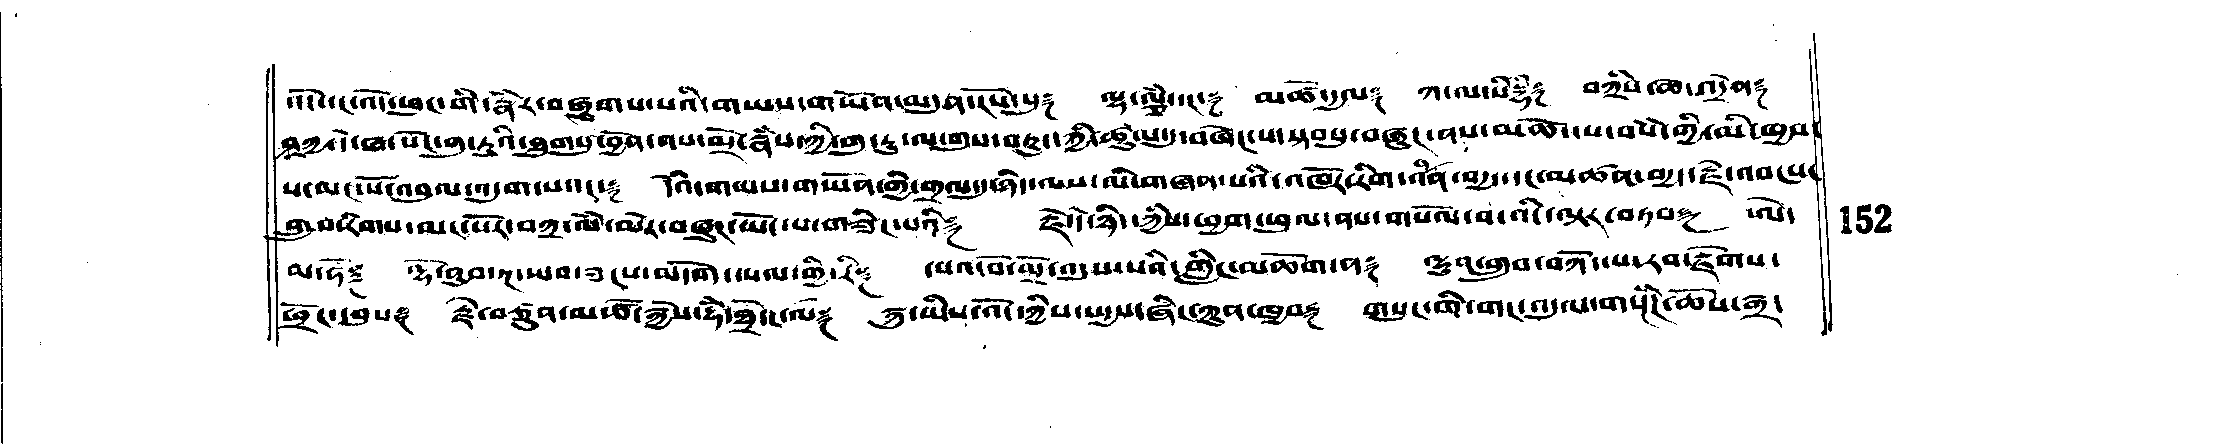འོད་དང་འོད་ཕུང་གི་རྣམ་པར་བཞུགས་པའི་གཡས་གཡོན་མདུན་ངོས་སུ། ལྷ་ལྕམ་དང་། མཚོ་རྒྱལ། ཀ་ལ་སིདྡྷི། བཀྲ་ཤིས་ཚོ་འདྲེན། 
ཤཱཀྱ་དེ་ཝ་སོགས་གུ་རུའི་ཐུགས་སུ་བྱོན་ནས་མཁའ་འགྲོ་རྣམས་ཀྱི་གུ་རུ་ལ་གུས་བཏུད་ཀྱི་ཚུལ་དུ་བཞེངས་སྟབས་སུ་བཞུགས་ནས་མཆོད་པ་བསམ་གྱི་མི་ཁྱབ་
པ་མང་པོ་འབུལ་འདུག་པ་དང་། དེའི་གཡས་གཡོན་གྱི་གྲལ་དུ་ཉིད་ལས་མི་གཞན་པའི་རིག་འཛིན་བརྒྱད་དང་མཚན་བརྒྱད་རྗེ་འབངས་
གྲུབ་རིགས་མང་པོར་བཀྲ་ལམ་མེར་བཞུགས་ཡོད་པ་གཟིགས་པའི། རྗེ་དེ་ཉིད་ཀྱིས་ཕྱག་ཕུལ་ནས་གསོལ་བ་འདི་ལྟར་བཏབ། ཨེ་
མ་ཧོ། ལྷོ་ནུབ་རྔ་ཡབ་ཟངས་མདོག་དཔལ་གྱི་རི། །དཔའ་བོ་མཁའ་འགྲོ་འདུས་པའི་གླིང་མཆོག་ན། །ལྷུན་གྲུབ་བཀོད་པ་རབ་རྫོགས་
ཕོ་བྲང་དབུས། །རྗེ་བཙུན་མཚོ་སྐྱེས་རྡོ་རྗེ་ཐོད་ཕྲེང་རྩལ། །སྐུ་ཡིས་འོད་ཀྱིས་སངས་རྒྱས་ཞིང་ཀུན་ཁྱབ། །གསུང་གི་གང་འདུལ་གསང་སྔགས་ཆོས་སྒྲ་